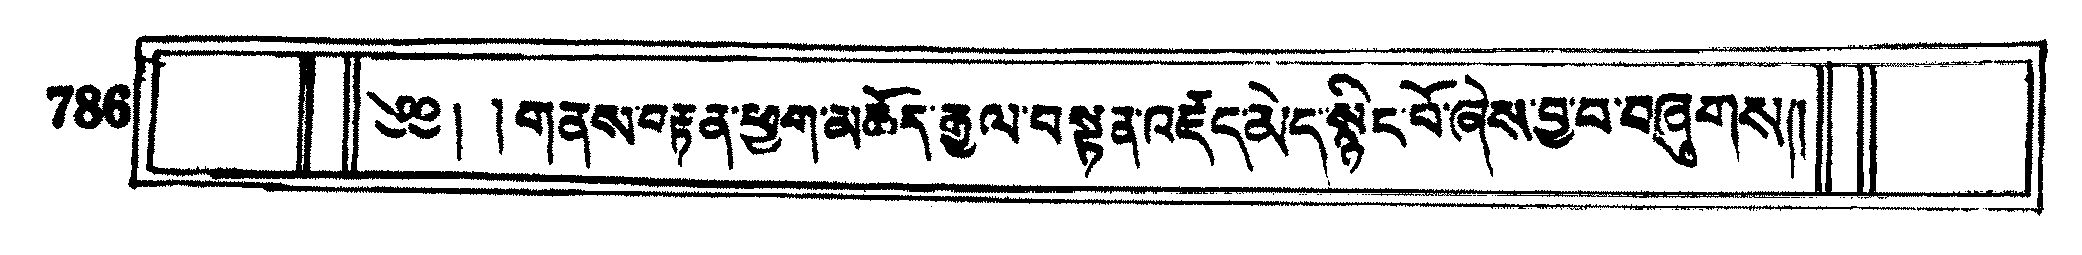༄༅། །གནས་བརྟན་ཕྱག་མཆོད་རྒྱལ་བསྟན་འཛད་མེད་སྙིང་པོ་ཞེས་བྱ་བ་བཞུགས།།